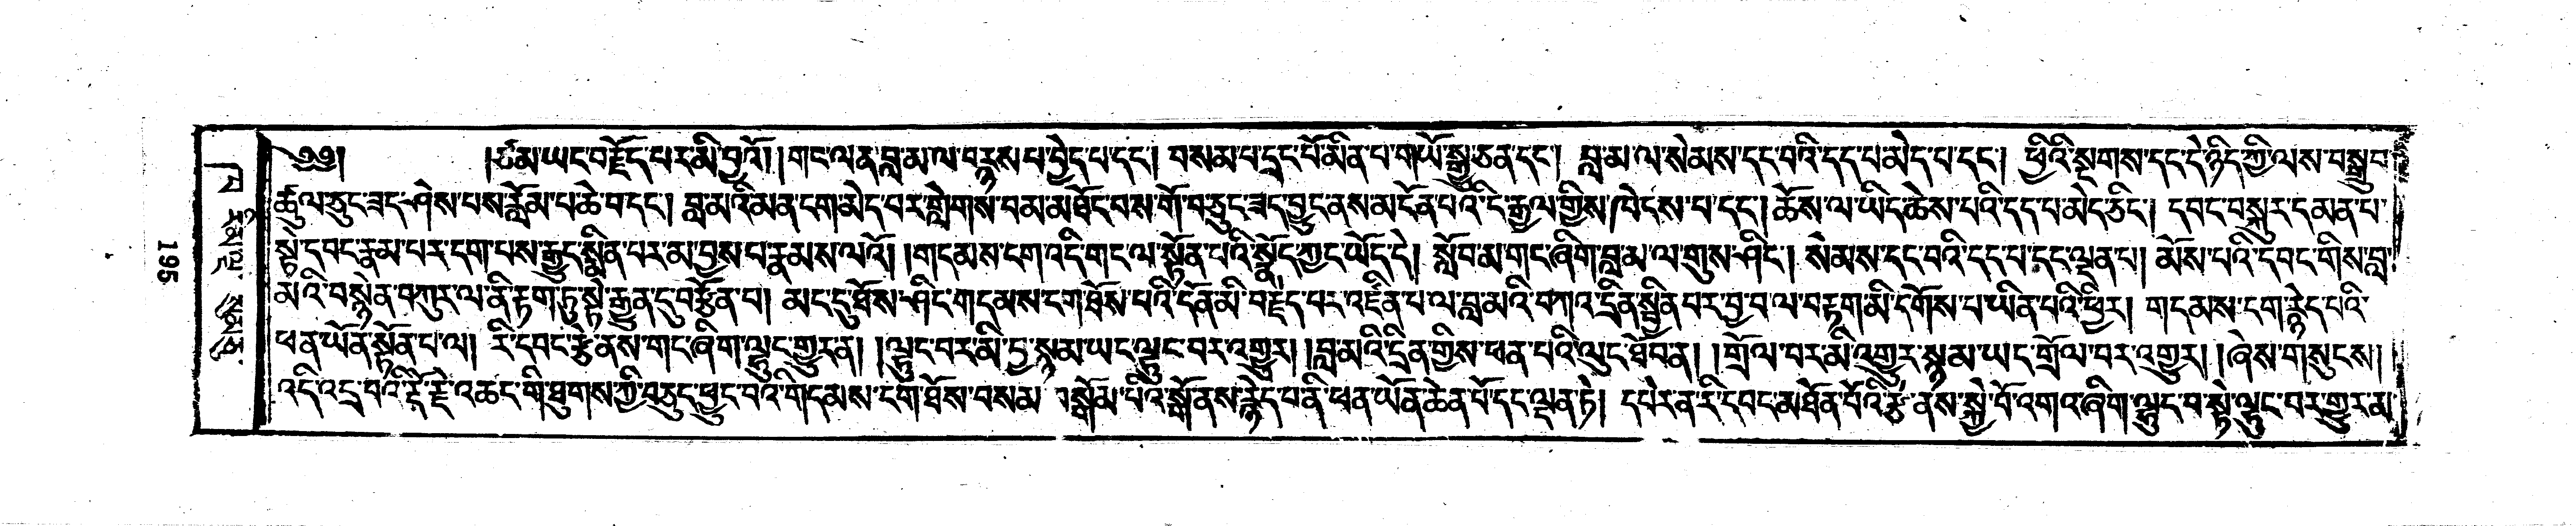༄༅། །ཙམ་ཡང་བརྗོད་པར་མི་བྱའོ། །གང་ལ་ན་བླ་མ་ལ་བརྙས་པ་བྱེད་པ་དང་། བསམ་པ་དྲང་པོ་མིན་པ་གཡོ་སྒྱུ་ཅན་དང་། བླ་མ་ལ་སེམས་དང་བའི་དད་པ་མེད་པ་དང་། ཕྱིའི་སྔགས་དང་དེ་ཉིད་ཀྱི་ལས་བསྒྲུབ་
ཚུལ་ཅུང་ཟད་ཤེས་པས་རློམ་པ་ཆེ་བ་དང་། བླ་མའི་མན་ངག་མེད་པར་གླེགས་བམ་མཐོང་བས་གོ་བ་ཅུང་ཟད་བྱུང་ནས་མངོན་པའི་ང་རྒྱལ་གྱིས་ཁེངས་པ་དང་། ཆོས་ལ་ཡིད་ཆེས་པའི་དད་པ་མེད་ཅིང་། དབང་བསྐུར་དམན་པ་
སྟེ་དབང་རྣམ་པར་དག་པས་རྒྱུད་སྨིན་པར་མ་བྱས་པ་རྣམས་ལའོ། །གདམས་ངག་འདི་གང་ལ་སྟོན་པའི་སྣོད་ཀྱང་ཡོད་དེ། སློབ་མ་གང་ཞིག་བླ་མ་ལ་གུས་ཤིང་། སེམས་དང་བའི་དད་པ་དང་ལྡན་པ། མོས་པའི་དབང་གིས་བླ་
མའི་བསྙེན་བཀུར་ལ་ནི་རྟག་ཏུ་སྟེ་རྒྱུན་དུ་བརྩོན་པ། མང་དུ་ཐོས་ཤིང་གདམས་ངག་ཐོས་པའི་དོན་མི་བརྗེད་པར་འཛིན་པ་ལ་བླ་མའི་བཀའ་དྲིན་སྦྱིན་པར་བྱ་བ་ལ་བརྟག་མི་དགོས་པ་ཡིན་པའི་ཕྱིར། གདམས་ངག་རྙེད་པའི་
ཕན་ཡོན་སྟོན་པ་ལ། རི་དབང་རྩེ་ནས་གང་ཞིག་ལྷུང་གྱུར་ན། །ལྟུང་བར་མི་བྱ་སྙམ་ཡང་ལྟུང་བར་འགྱུར། །བླ་མའི་དྲིན་གྱིས་ཕན་པའི་ལུང་ཐོབ་ན། །གྲོལ་བར་མི་འགྱུར་སྙམ་ཡང་གྲོལ་བར་འགྱུར། །ཞེས་གསུངས།
འདི་འདྲ་བའི་རྡོ་རྗེ་འཆང་གི་ཐུགས་ཀྱི་བཅུད་ཕྱུང་བའི་གདམས་ངག་ཐོས་བསམ་བསྒོམ་པའི་སྒོ་ནས་རྙེད་བ་ནི་ཕན་ཡོན་ཆེན་པོ་དང་ལྡན་ཏེ། དཔེར་ན་རི་དབང་མཐོན་པོའི་རྩེ་ནས་སྐྱེ་བོ་འགའ་ཞིག་ལྷུང་བ་སྟེ་ལྟུང་བར་གྱུར་ན་